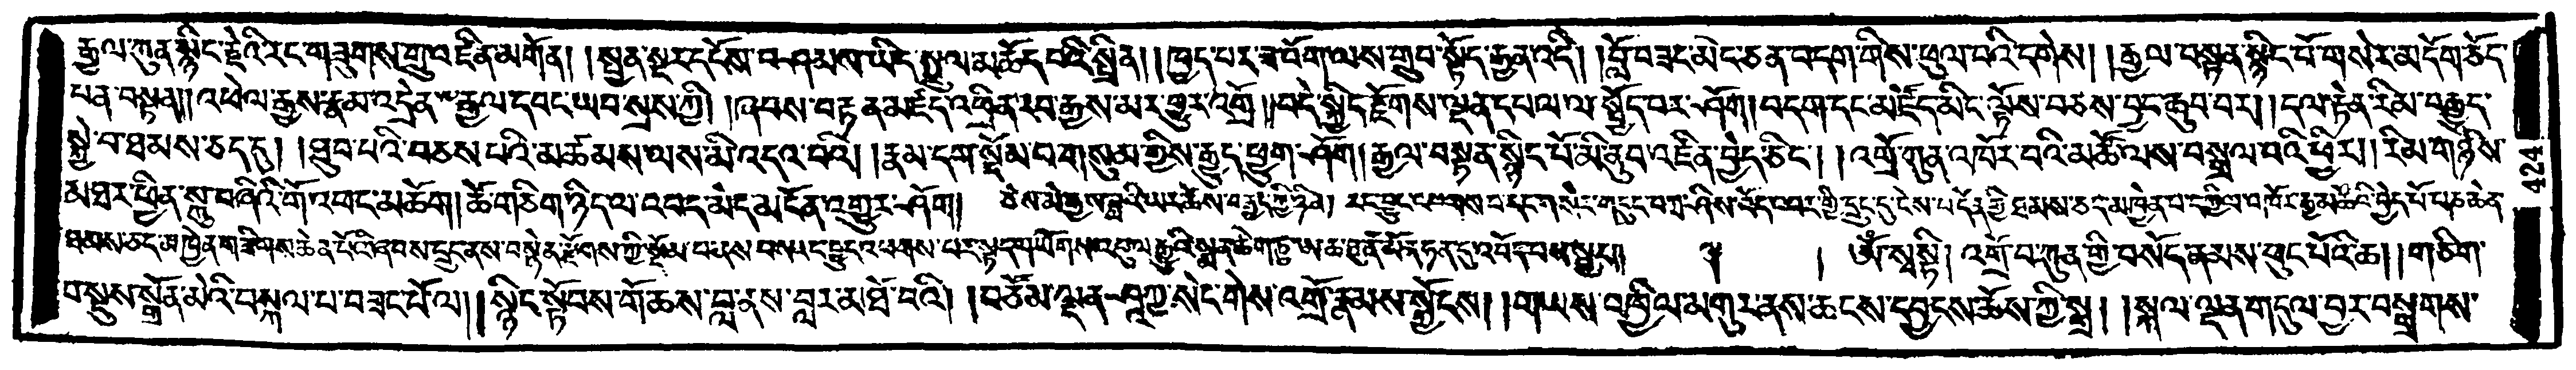རྒྱལ་ཀུན་སྙིང་རྗེའི་རང་གཟུགས་གྲུ་འཛིན་མགོན། །སྤྱན་སྔར་དངོས་བཤམས་ཡིད་སྤྲུལ་མཆོད་པའི་སྤྲིན། །ཁྱད་པར་ཟ་བོག་ལས་གྲུབ་སྟོད་རྒྱན་འདི། །བློ་བཟང་མེད་ཅན་བདག་གིས་ཕུལ་བའི་དགེས། །རྒྱལ་བསྟན་སྙིང་པོ་གསེར་མདོག་ཅོད་
པན་བསྟན། །འཕེལ་རྒྱས་རྣམ་འདྲེན ༧་རྒྱལ་དབང་ཡབ་སྲས་ཀྱི། །ཞབས་བརྟན་མཛད་འཕྲིན་རབ་རྒྱས་མར་གྱུར་འགྲོ། །བདེ་སྐྱིད་རྫོགས་ལྡན་དཔལ་ལ་སྤྱོད་པར་ཤོག །བདག་དང་མཛོད་མིང་ལྟོས་བཅས་བྱང་ཆུབ་བར། །དལ་རྟེན་རིམ་བརྒྱུད་
སྐྱེ་བ་ཐམས་ཅད་དུ། །ཐུབ་པའི་བཅས་པའི་མཚམས་ལས་མི་འདའ་བའི། །རྣམ་དག་སྡོམ་པ་གསུམ་གྱིས་རྒྱུད་ཕྱུག་ཤོག །རྒྱལ་བསྟན་སྙིང་པོ་མི་ནུབ་འཛིན་བྱེད་ཅིང་། །འགྲོ་ཀུན་འཁོར་བའི་མཚོ་ལས་བསྒྲལ་བའི་ཕྱིར། །རིམ་གཉིས་
མཐར་ཕྱིན་སྐུ་བཞིའི་གོ་འཕང་མཆོག །ཚེ་གཅིག་ཉིད་ལ་འབད་མེད་མངོན་འགྱུར་ཤོག །ཅེས་མེ་རྒྱས་ཟླའི་ཡར་ཆོས་བརྒྱད་ཀྱི་ཉིན། རང་བྱུང་འཕགས་པ་དང་གསེར་གདུང་བཀྲ་ཤིས་འོད་འབར་གྱི་དྲུང་དུ་ངེས་པ་དོན་གྱི་ཐམས་ཅད་མཁྱེན་པ་དཀྱིལ་འཁོར་རྒྱ་མཚོའི་བྱེད་པོ་པཎ་ཆེན་
ཐམས་ཅད་མཁྱེན་གཟིགས་ཆེན་པོའི་ཞབས་དྲུང་ནས་བསྙེན་རྫོགས་ཀྱི་སྡོམ་པ་ནས་བས་རང་བྱུང་འཕགས་པར་སྟོད་གཡོགས་འབུལ་རྒྱུའི་སྨན་ཚིག་ཏུ་ཨ་ཆ་ཐུ་ནོ་མོན་ཧན་དུ་འབོད་པས་སྦྱར།། ༈ །ཨོཾ་སྭསྟི། འགྲོ་བ་ཀུན་གྱི་བསོད་ནམས་ཕུང་པོའི་ཆ། །གཅིག་
བསྡུས་སྒྲོན་མེའི་བསྐལ་པ་བཟང་པོ་ལ། །སྙིང་སྟོབས་གོ་ཆས་བླ་ནས་བླར་མཐོ་བའི། །བཅོམ་ལྡན་ཤཱཀྱ་སེང་གེས་འགྲོ་རྣམས་སྐྱོངས། །གཡས་འཁྱིལ་མགུར་ནས་ཚངས་དབྱངས་ཆོས་ཀྱི་སྒྲ། །སྐལ་ལྡན་གདུལ་བྱར་བསྒྲགས་